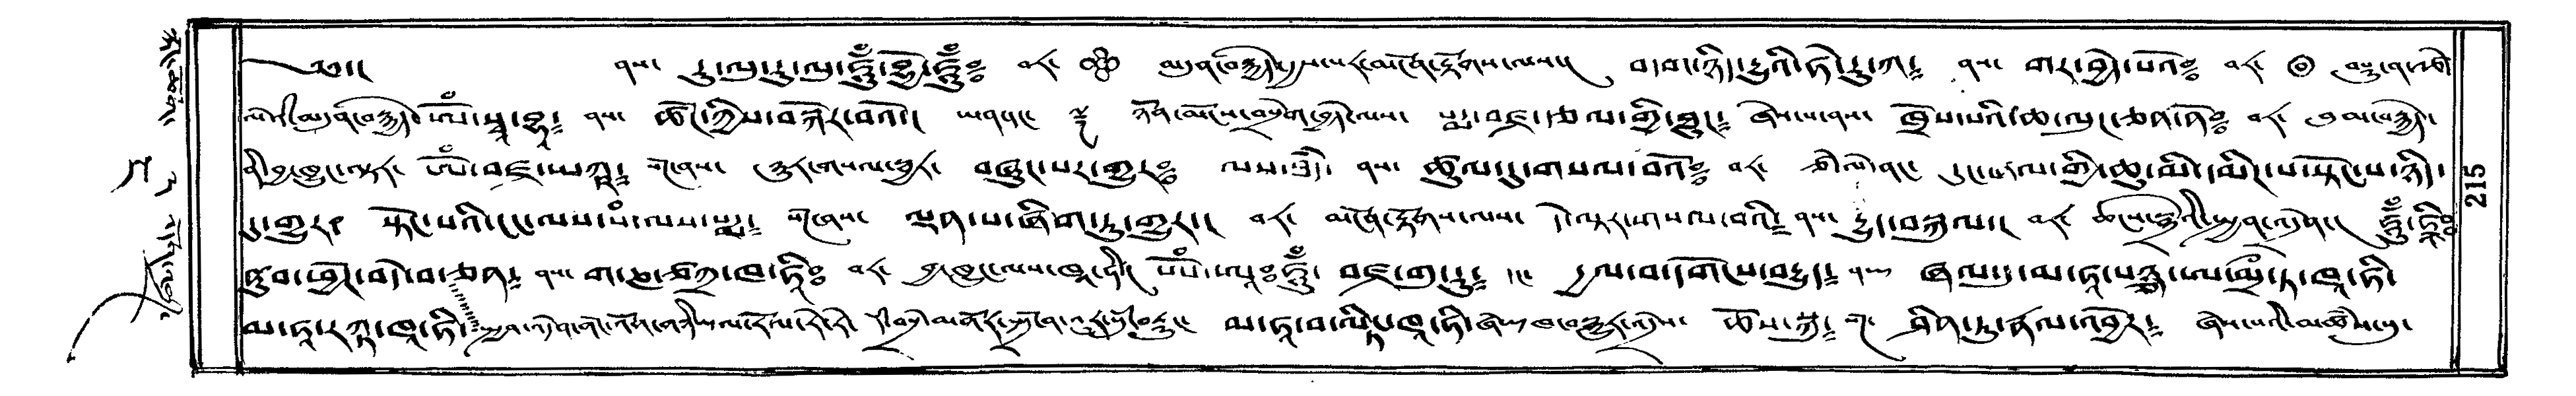ནས། རུ་ལུ་རུ་ལུ་ཧཱུྃ་བྷྱོ་ཧཱུྃ༔ བར། མདུན་སྐྱེད་རྒྱས་པར་མངོན་རྟོགས་ལས། བདག་ཉིད་རྒྱུའི་ཧེ་རུ་ཀ༴ ནས། གར་བྱེད་པའོ༔ བར། བསྡུ་ན་རྩེ་
ལེའི་མདུན་སྐྱེད། ཨོཾ་སྭ་བྷཱ༴ ནས། ཚོགས་ཀྱིས་བསྐོར་བའོ། ཡན་དང་། ཉོན་མོངས་སྲེག་བྱེད་ལས། པདྨ་བཛྲ་རྩལ་གྱི་ཐུགས༴ ཞེས་པ་ནས། ཁྲོས་པའི་ཆ་ལུགས་ཅན་ནོ༔ བར། བུམ་སྐྱེད་
ནི་བྱ་ཁྱུང་ལྟར། ཨོཾ་བཛྲ་ཡཀྵ༴ སོགས་ནས། ཟུར་གསལ་སྦྱར། བཞུགས་པར་གྱུར༔ ལས་ཐམས་ཅད༴ ནས། ཚུལ་དུ་གསལ་བའོ༔ བར། དུང་ཞལ་གྱི་ཆུ་མི་དམིགས་པ་སྟོང་པ་ཉིད་
དུ་གྱུར༔ སྟོང་པའི་ངང་ལས་པཾ་ལས་པདྨ༴ སོགས་ནས། ལྡན་པ་ཞིག་ཏུ་གྱུར༔ བར། མངོན་རྟོགས་ལས། དེ་ལྟར་གསལ་བའི༴ ནས། རྒྱུད་བསྐུལ༴ བར། ཚངས་སྒྲའི་སྤྱན་འདྲེན། ཧཱུྃ་ཧྲཱི༔ 
ནུབ་ཕྱོགས་བདེ་བ་ཅན༴ ནས། ག་ཎ་ཙཀྲ་ཁ་ཧཱི༔ བར། བྱ་ཁྱུང་ལས་ཁཱ་ཧི། ཨོཾ་ཨཱཿཧཱུྃ་བཛྲ་གུ་རུ༴ དང་། རྒྱལ་བ་དགོངས་བརྒྱུད༴ ནས། ཞལ་དུ་མ་ཧ་པཉྩ་ཨ་མྲྀ་ཏ་ཁཱ་ཧི།མ་ཧཱ་རཀྵ་ཁཱ་ཧི༔ 
མ་ཧཱ་བ་ལིངྟ་ཁཱ་ཧི༔ ཞེས་ཁ་སྒྱུར་འགྲེས། ཆོས་སྐུ༴ སོགས། ཤིན་ཏུ་རྣལ་འབྱོར༴ ཞེས་པའི་མཚམས་སུ་